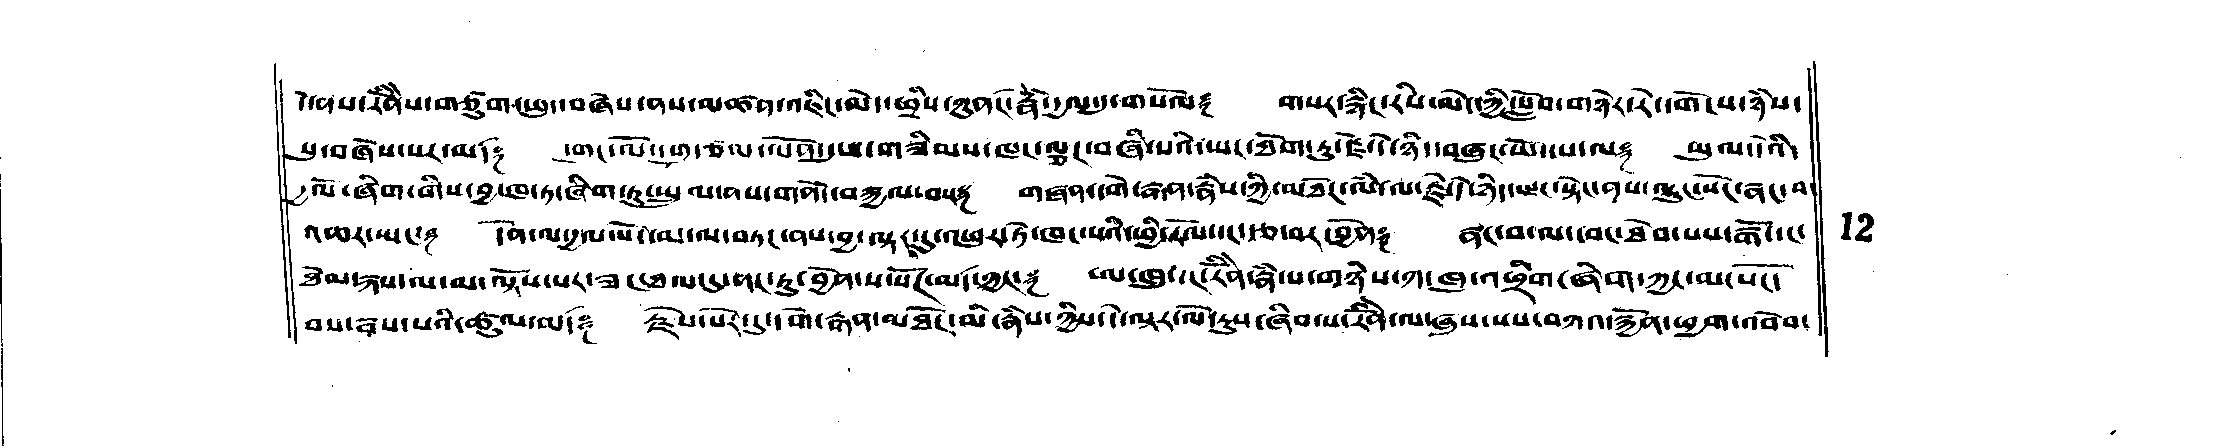དེ་ནས་རིན་པོ་ཆེས་གཙུག་ཕུད་བཞེས་ནས་མཚན་འཇིགས་མེད་ཕྲིན་ལས་ཀུན་བཟང་རྣམ་རྒྱལ་དུ་གསོལ།གསར་རྙིང་རིས་མེད་ཀྱི་སློབ་གཉེར་རེ་དགོངས་ཉམས་
སུ་བཞེས་པར་མཛད། དགུང་ལོ་དགུ་ཙམ་ལོན་དུས་གཟིམས་ཁང་ལྕགས་བཞི་པའི་ཡང་ཐོག་ཏུ་རྗེ་དེ་ཉིད་བཞུགས་ཡོད་པ་ལ། ཡུལ་དེའི་
རྒྱལ་པོ་ཞིག་གིས་བྱ་ཁ་ཏ་ཞིག་ཏུ་སྤྲུལ་ནས་གནོད་བསྐྱལ་བས། གཞན་དགེ་རྒན་རྣམས་ཀྱི་མཐོང་ལམ་ལ་རྗེ་དེ་ཉིད་ཁང་སྟེང་ནས་ལྷུང་སོང་སྣང་བ་
འཆར་ཡང་། དོན་ལ་རྒྱལ་པོ་དམ་ལ་བཏགས་ནས་བྱ་ལྟར་དུ་འཕུར་ཏེ་ཁང་པའི་ཕྱི་རོལ་དང་རྩ་བར་བྱོན། སྣང་བ་ལ་དབང་ཐོབ་པས་སྒོ་དང་
ཐེམ་སྐས་ལ་མ་ལྟོས་པར་ཟང་ཐལ་དུ་ནང་དུ་བྱོན་པ་སོགས་མཛད་ཀྱང་། ཨ་ཁུ་དང་རིན་པོ་ཆེ་རྣམ་པ་གཉིས་ཀ་ཁུ་འཕྲིག་ཞིག་ཀྱང་མ་སོང་
བས་སྦས་པའི་ཚུལ་མཛད། རྗེས་སོར་དུ་དགེ་རྒན་མཐོང་མི་རྣམས་ཀྱིས་དེ་ལྟར་ལོ་རྒྱུས་ཞིབ་པ་རིན་པོ་ཆེ་ལ་ཞུས་པས་བཀའ་བསྐྱོན་ཕྱག་འབེབ་